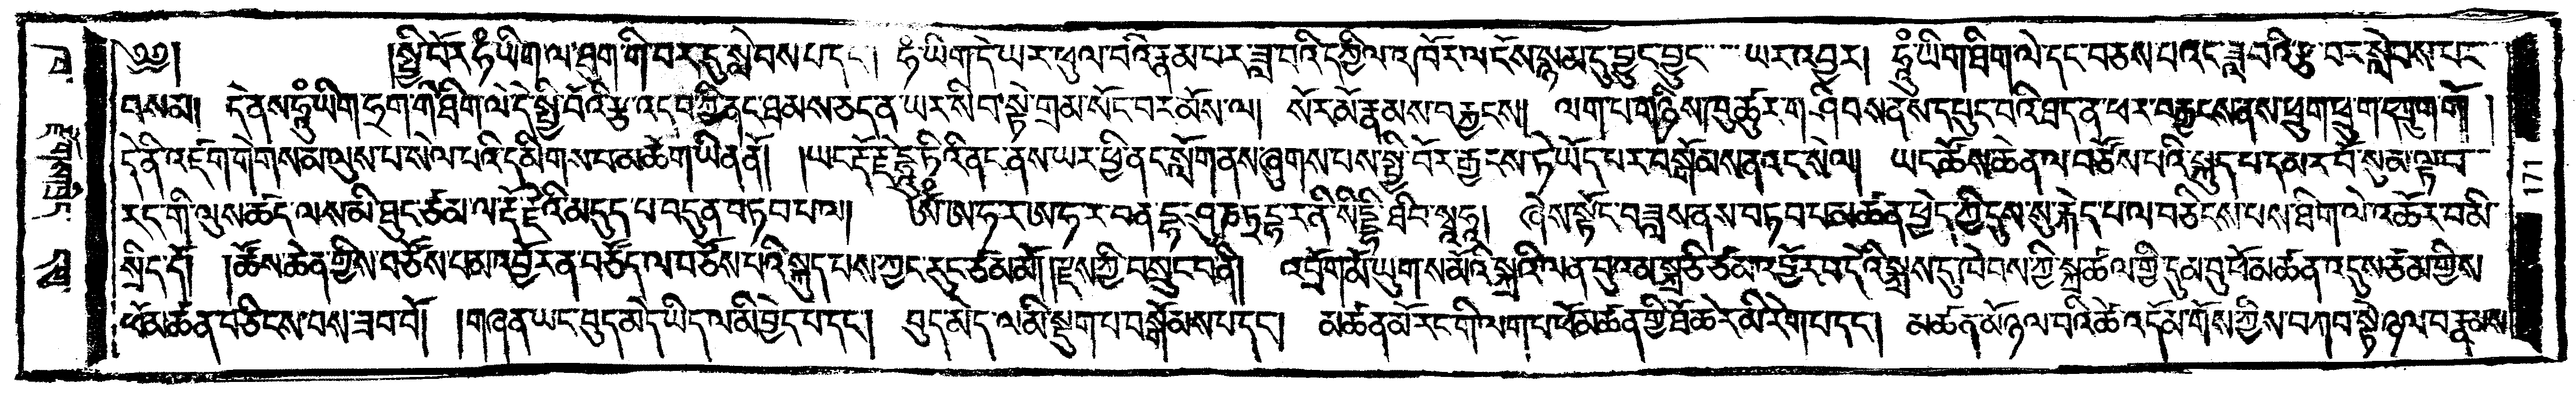༄༅། །སྤྱི་བོར་ཧཾ་ཡིག་ལ་ཐུག་གི་བར་དུ་སླེབས་པ་དང་། ཧཾ་ཡིག་དེ་ཡར་ཕུལ་བའི་རྣམ་པར་ཟླ་བའི་དཀྱིལ་འཁོར་ལ་ངོས་སྙམ་དུ་བྱུང་བྱུང་ཡར་འབྱར། ཧཱུཾ་ཡིག་ཐིག་ལེ་དང་བཅས་པའང་ཟླ་བའི་རྩ་བར་སླེབས་པར་
བསམ། དེ་ནས་ཧཱུཾ་ཡིག་ཧྲག་གི་ཐིག་ལེ་དེ་སྤྱི་བོའི་རྩ་འདབ་ཀྱི་ནང་ཐམས་ཅད་ན་ཡར་སིབ་སྟེ་གྲམ་སོང་བར་མོས་ལ། སོར་མོ་རྣམས་བརྐྱངས། ལག་པ་གཉིས་ཁུ་ཚུར་གཤིབས་ནས་དཔུང་བའི་ཐད་ན་ཕར་བརྐྱངས་ནས་ཕྲུག་ཕྲུག་དཀྲུག་གོ། །
དེ་ནི་འཛག་གེགས་མ་ལུས་པ་སེལ་པའི་དམིགས་པ་མཆོག་ཡིན་ནོ། །ཡང་རྡོ་རྗེ་དྷཱུཾ་ཏིའི་ནང་ནས་ཡར་ཕྱི་ནང་སློག་ནས་ཞུགས་པས་སྤྱི་བོར་རྒྱངས་ཏེ་ཡོད་པར་བསྒོམས་ནའང་སེལ། ཡང་ཚོས་ཆེན་ལ་བཙོས་པའི་སྐུད་པ་དམར་པོ་སུམ་ལྟ་བ་
རང་གི་ལུས་ཚད་ལས་མི་ཐུང་ཙམ་ལ་རྡོ་རྗེའི་མདུད་པ་བདུན་བཏབ་པ་ལ། ཨོཾ་ཨ་ཧ་ར་ཨ་ཧ་ར་བན་དྷ་ཤུཎཱ་ཏྲདྷ་ར་ནི་སིདྡྷི་ཐིབ་སྭཱཧཱ། ཞེས་སྟོང་བཟླས་ནས་བཏབ་པ་མཚན་ཕྱེད་ཀྱི་དུས་སུ་རྐེད་པ་ལ་བཅིངས་པས་ཐིག་ལེ་འཆོར་བ་མི་
སྲིད་དོ། །ཚོས་ཆེན་གྱིས་བཙོས་བམ་འབྱོར་ན་བཙོད་ལ་བཙོས་པའི་སྐུད་པས་ཀྱང་རུང་ཙམ་མོ། །རྫས་ཀྱི་བསྲུང་བ་ནི། འབྲོག་མོ་ཡུག་ས་མོའི་སྐྲའི་ལན་བུའམ་སྐྲ་ཅི་ཙམ་འབྱོར་བ་དེའི་སྐྲས་དུ་ཁེབས་ཀྱི་སྐྲ་ཚལ་གྱི་དུམ་བུ་ཕོ་མཚན་འདུས་ཙམ་གྱིས་
ཕོ་མཚན་བཅིངས་བས་ཟབ་བོ། །གཞན་ཡང་བུད་མེད་ཡིད་ལ་མི་བྱེད་པ་དང་། བུད་མེད་ལ་མི་སྡུག་པ་བསྒོམས་པ་དང་། མཚན་མོ་རང་གི་ལག་པ་ཕོ་མཚན་གྱི་ཐོ་ཆེར་མི་རེག་པ་དང་། མཚན་མོ་ཉལ་བའི་ཚེ་འདོམ་གོས་ཀྱིས་བཀབ་སྟེ་ཉལ་བ་རྣམས་